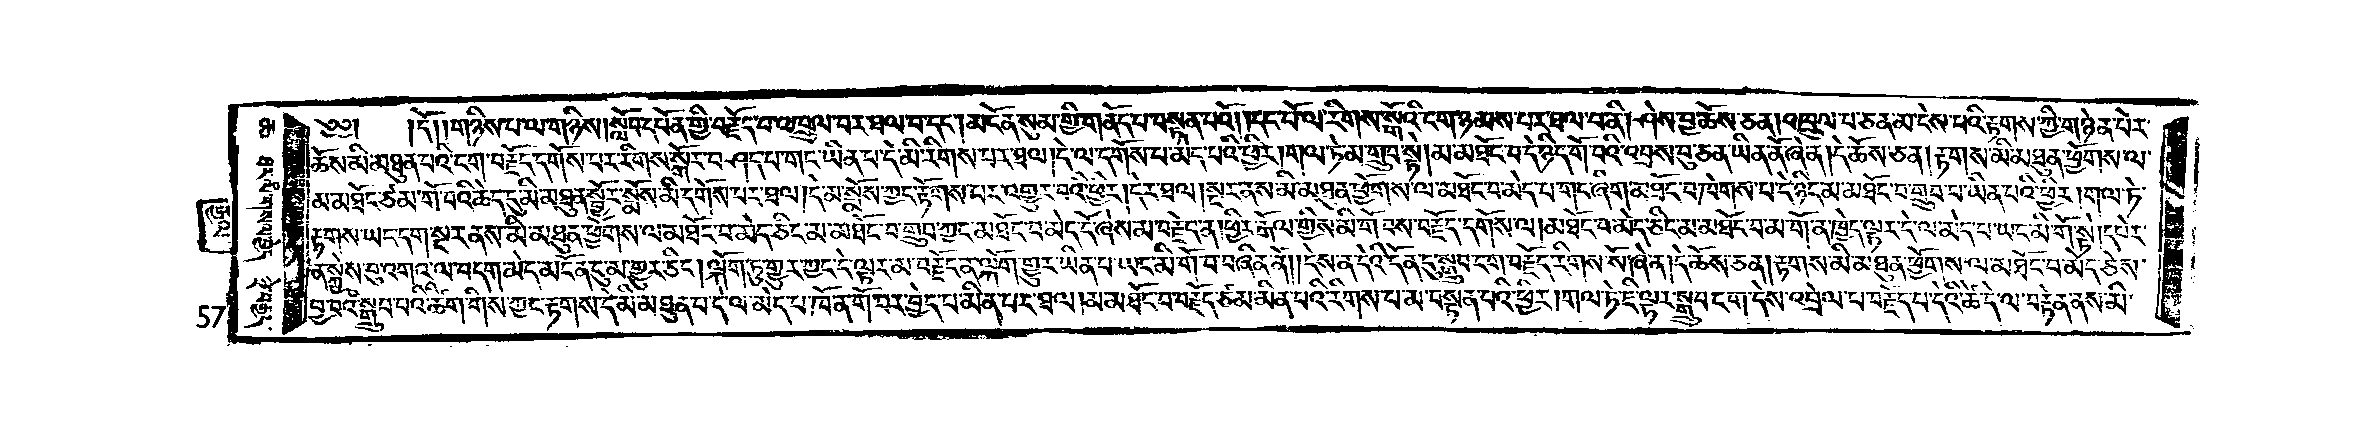༄༅། །དོ། །གཉིས་པ་ལ་གཉིས། སློབ་དཔོན་གྱི་བརྗོད་པ་འཁྲུལ་བར་ཐལ་བ་དང་། མངོན་སུམ་གྱི་གནོད་པ་བསྟན་པའོ། །དང་པོ་ལ་རིགས་སྒོའི་ངག་ཉམས་པར་ཐལ་བ་ནི། ཤེས་བྱ་ཆོས་ཅན། འཁྲུལ་པ་ཅན་མ་ངེས་པའི་རྟགས་ཀྱི་གཉེན་པོར་
ཆོས་མི་མཐུན་པའི་ངག་བརྗོད་དགོས་པར་རིགས་སྒོར་བཤད་པ་གང་ཡིན་པ་དེ་མི་རིགས་པར་ཐལ། དེ་ལ་དགོས་པ་མེད་པའི་ཕྱིར། གལ་ཏེ་མ་གྲུབ་སྟེ། མ་མཐོང་བ་དེ་ཉིད་གོ་བའི་འབྲས་བུ་ཅན་ཡིན་ནོ་ཞེ་ན། དེ་ཆོས་ཅན། རྟགས་མི་མཐུན་ཕྱོགས་ལ་
མ་མཐོང་ཙམ་གོ་བའི་ཆེད་དུ་མི་མཐུན་སྦྱོར་སྨོས་མི་དགོས་པར་ཐལ། དེ་མ་སྨོས་ཀྱང་རྟོགས་པར་འགྱུར་བའི་ཕྱིར། དེར་ཐལ། སྔར་ནས་མི་མཐུན་ཕྱོགས་ལ་མཐོང་བ་མེད་པ་གང་ཞིག་མཐོང་བ་ཁེགས་པ་དེ་ཉིད་མ་མཐོང་བ་གྲུབ་པ་ཡིན་པའི་ཕྱིར། གལ་ཏེ་
རྟགས་ཡང་དག་སྔར་ནས་མི་མཐུན་ཕྱོགས་ལ་མཐོང་བ་མེད་ཅིང་མ་མཐོང་བ་གྲུབ་ཀྱང་མཐོང་བ་མེད་དོ་ཞེས་མ་བརྗོད་ན། ཕྱིར་རྒོལ་གྱིས་མི་གོ་བས་བརྗོད་དགོས་ལ། མཐོང་བ་མེད་ཅིང་མ་མཐོང་བ་མ་གོ་ན་ཁྱེད་ལྟར་དེ་ལ་མེད་པ་ཡང་མི་གོ་སྟེ། དཔེར་
ན་སྐྱེས་བུ་འགའ་ལ་བདག་མེད་མངོན་དུ་མ་གྱུར་ཅིང་། ལྐོག་ཏུ་གྱུར་ཀྱང་དེ་ལྟར་མ་བརྗོད་ན་ལྐོག་གྱུར་ཡིན་པ་ཡང་མི་གོ་བ་བཞིན་ནོ། །དེས་ན་དེའི་དོན་དུ་སྒྲུབ་ངག་བརྗོད་རིགས་སོ་ཞེ་ན། དེ་ཆོས་ཅན། རྟགས་མི་མཐུན་ཕྱོགས་ལ་མཐོང་བ་མེད་ཅེས་
བྱ་བའི་སྒྲུབ་པའི་ཚིག་གིས་ཀྱང་རྟགས་དེ་མི་མཐུན་པ་དེ་ལ་མེད་པ་ཁོ་ན་གོ་བར་བྱེད་པ་མིན་པར་ཐལ། མ་མཐོང་བ་བརྗོད་ཙམ་མིན་པའི་རིགས་པ་མ་བསྟན་པའི་ཕྱིར། གལ་ཏེ་ཇི་ལྟར་སྒྲུབ་ངག་དེས་འབྲེལ་པ་བརྗོད་པ་དེའི་ཚེ་དེ་ལ་བརྟེན་ནས་མི་